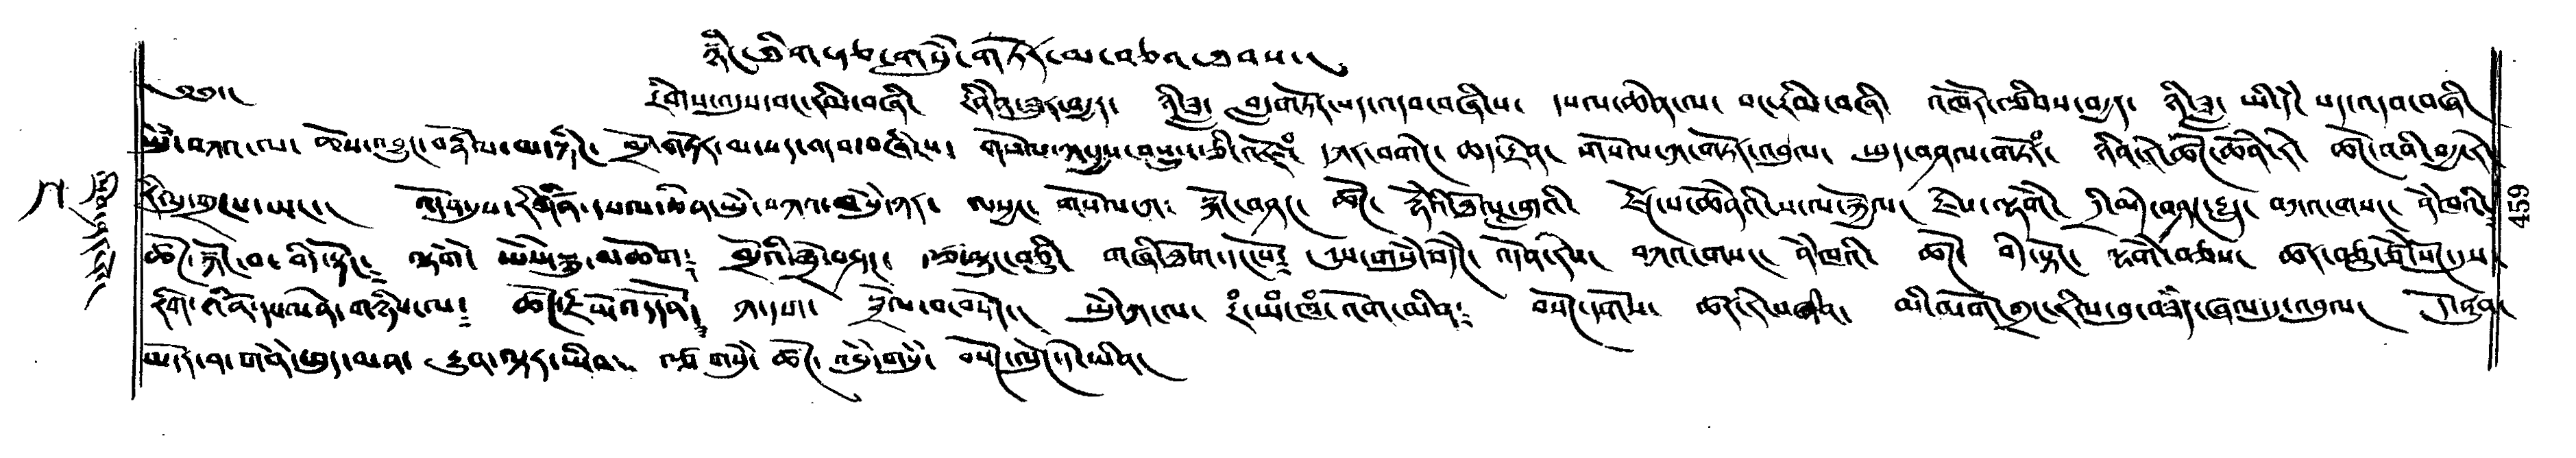༄༅། སྙིང་ཐིག་རྩ་གསུམ་གཏོར་མ་བཅའ་ཐབས། རིག་འདུས་བང་རིམ་བཞི། རིན་ཆེན་ཟུར་བརྒྱད། ཉི་ཟླ། བླ་གཏོར་པད་འདབ་བཞི་པ། དཔལ་ཆེན་ལ་བང་རིམ་བཞི། འཁོར་ལོ་རྩིབས་བརྒྱད། ཉི་ཟླ། ཡི་དམ་པད་འདབ་བཞི། 
ཡུམ་བཀའ་ལ། ཆོས་འབྱུང་བསྣོལ་མའི་སྟེང་། མཁའ་འགྲོའི་གཏོར་མ་པད་འདབ་བཞི་པ། གསོལ་ཀ་རྒྱས་བསྡུས་ཅི་འཛོམས། དཀར་བགེགས། ཆད་བརྟན། གསོལ་ཀ་གཏོར་འབུལ། ཕུད་བཤལ་གཏོར་མ། ཉིན་རེར་ཚོགས་ཆེན་པོ་རེ། ཚོགས་འབིར་བརྒྱ་རེ། 
རིལ་བུ་གྲངས་མང་བཅས་སོ།། ༈ འདོན་དུས་རིག་འཛིན་དཔལ་ཆེན་ཡུམ་བཀའ་གསུམ་ཀར། ལས་བྱང་། གསོལ་ཀ སྐོང་བཤགས། ཚོགས། རྡོ་རྗེའི་ཐོལ་གླུའི། རྫོགས་པ་ཆེན་པོའི་ས་ལ་སྐྱོལཿ རྗེས་ལྷག་མ། དྲི་མེད་བཤགས་རྒྱུད། བཀའ་གསང༴ ནམ་མཁའི༴ 
ཚོགས་སྐོང་བ། བདེ་སྟོང༴ ཡེ་ཤེས་སྐུ་མཆོག༴ མཁའ་འགྲོའི་སྨྲེ་བཤགས། རྩ་ལྟུང་བཅུ་བཞི། གཞི་ཐོག་དང་པོ༴ དུས་གསུམ་བདེ་གཤེགས༴ འདོན་རེས། བཀའ་གསང༴ ནམ་མཁའི༴ ཚོགས། བདེ་སྟོང༴ ལྷག་མ་བཅས། ཚར་བཅུ་ཙམ་སོང་དུས་
རིག་འཛིན་དཔལ་ཆེན་གཉིས་ལ། ཚོགས་རྫས་འདོད་ཡོན༴ ཀ་དག༴ སྦྲེལ་བ་གསོག ཡུམ་ཀ་ལ། རཾ་ཡཾ་ཁཾཿ འོག་མིན༴ གསོག་དགོས། ཚར་རེ་བཞིན། མི་མགོ་གྲང་ཞིང་རིལ་བུ་བཟེད་ཞལ་དུ་འབུལ། དོ་ནུབ། 
མདོར་ན༴ གནམ་ཕུད་མན། རྒྱུན་ལྟར་གྱི་རྩ་གསུམ་ཚོགས་འབུམ་བསགས་ལུགས་དེ་ཡིན་ནོ།།